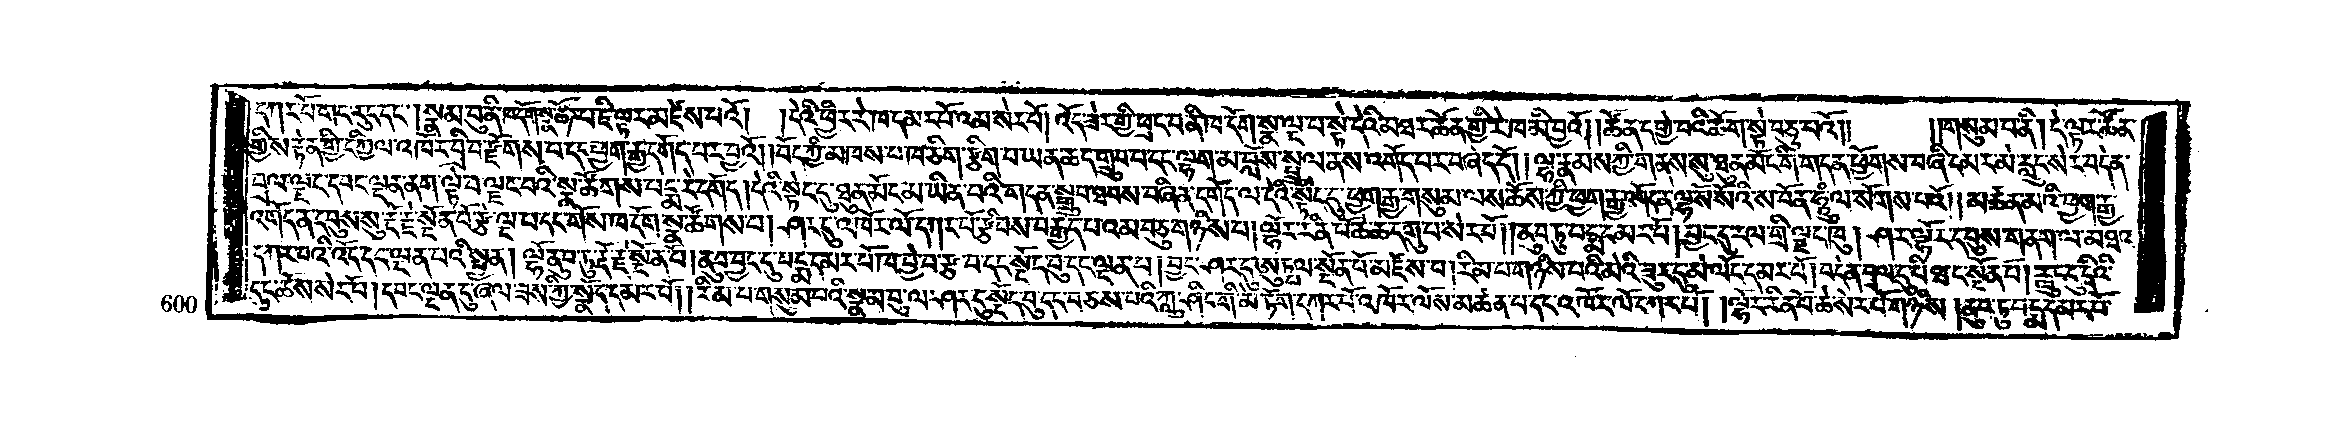དཀར་པོ་གང་རུང་དང་། སྣམ་བུ་ནི་ཁ་དོག་སྣ་ཚོགས་པ་ཇི་ལྟར་མཛེས་པའོ། །དེའི་ཕྱིར་རེ་ཁ་དམར་པོ་འམ་སེར་པོ། འོད་ཟེར་གྱི་ཕྲང་བ་ནི་ཁ་དོག་སྣ་ལྔ་པ་སྟེ་དེའི་མཐར་ཚོན་གྱི་རེ་ཁ་མི་བྱའོ། །ཚོན་དགྱེ་བའི་ཆོ་ག་སྟེ་བཅུ་པའོ།། །།གསུམ་པ་ནི། དེ་ལྟར་ཚོན་
གྱིས་རྟེན་གྱི་དཀྱིལ་འཁོར་བྲི་བ་རྫོགས་པ་དང་ཕྱག་རྒྱ་དགོད་པར་བྱའོ། །བོད་ཀྱི་མཁས་པ་ཁ་ཅིག་རྩིག་པ་ཡན་ཆད་གྲུབ་པ་དང་ལྷག་མ་བློས་སྤྲུལ་ནས་འགོད་པར་བཞད་དོ། །ལྷ་རྣམས་ཀྱི་གནས་སུ་ཐུན་མོང་གི་གདན་ཕྱོགས་བཞི་དམར་མེ་རླུང་སེར་བདེན་
བྲལ་ལྗང་དབང་ལྡན་ནག་ལྟེ་བ་ལྗང་བའི་སྣ་ཚོགས་པདམ་རེ་དགོད། དེའི་སྟེང་དུ་ཐུན་མོང་མ་ཡིན་པའི་གདན་སྒྲུབ་ཐབས་བཞིན་དགོད་ལ་དེའི་སྟེང་དུ་ཕྱག་རྒྱ་གསུམ་ལས་ཆོས་ཀྱི་ཕྱག་རྒྱ་འགོད་ན་ལྷ་སོ་སོའི་ས་བོན་ཧཱུཾ་ལ་སོགས་པའོ། །མཚན་མའི་
ཕྱག་རྒྱ་འགོད་ན་དབུས་སུ་རྡོ་རྗེ་སྔོན་པོ་རྩེ་ལྔ་པ་དང་གོས་ཁ་དོག་སྣ་ཚོགས་པ། ཤར་དུ་འཁོར་ལོ་དཀར་པོ་རྩིབས་བརྒྱད་པའམ་བཅུ་གཉིས་པ། ལྷོར་རིན་པོ་ཆེ་ཆ་དགུ་པ་སེར་པོ། །ནུབ་ཏུ་པདམ་དམར་པོ། བྱང་དུ་རལ་གྲི་ལྗང་ཁུ། ཤར་ལྷོར་དབུས་གནག་ལ་མཐའ་
དཀར་བའི་འོད་དང་ལྡན་པའི་སྤྱན། ལྷོ་ནུབ་ཏུ་རྡོ་རྗེ་སྔོན་པོ། ནུབ་བྱང་དུ་པདམ་དམར་པོ་ཁ་བྱེ་བ་རྩ་བ་དང་སྡོད་བུ་དང་ལྡན་པ། བྱང་ཤར་དུ་ཨུཏྤལ་སྔོན་པོ་མཛེས་པ། རིམ་པ་གཉིས་པའི་མེའི་ཟུར་དུ་མེ་ལོང་དམར་པོ། བདེན་བྲལ་དུ་པི་ཝང་སྔོན་པོའི། རླུང་དུ་དྲིའི་
དུང་ཆོས་སེར་པོ། དབང་ལྡན་དུ་ཞལ་ཟས་ཀྱི་སྣོད་དམར་པོ། །རིམ་པ་གསུམ་པའི་སྣམ་བུ་ལ་ཤར་དུ་སྡོད་བུ་དང་བཅས་པའི་ཀླུ་ཤིང་གི་མེ་ཏོག་དཀར་པོ་འཁོར་ལོས་མཚན་པ་དང་འཁོར་ལོ་དཀར་པོ། །ལྷོར་རིན་པོ་ཆེ་སེར་པོ་གཉིས། ནུབ་ཏུ་པདམ་དམར་པོ་